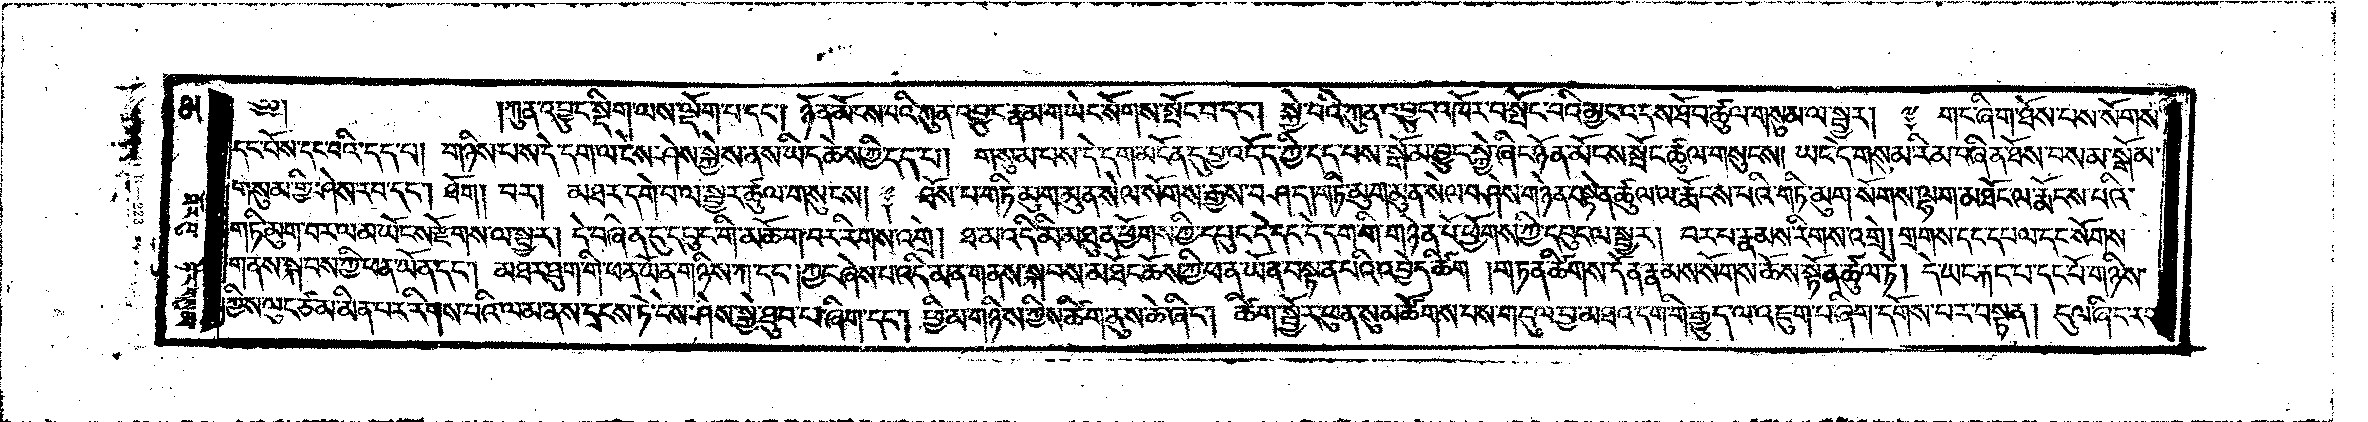༄༅། །ཀུན་འབྱུང་སྡིག་ལས་ལྡོག་པ་དང་། ཉོན་མོངས་པའི་ཀུན་འབྱུང་རྣམ་གཡེང་སོགས་སྤོང་བ་དང་། སྐྱེ་བའི་ཀུན་འབྱུང་འཁོར་བ་སྤོང་བའི་མྱང་འདས་ཐོབ་ཚུལ་གསུམ་ལ་སྦྱར། ༈ གང་ཞིག་ཐོས་པས་སོགས་
དང་པོས་དང་བའི་དད་པ། གཉིས་པས་དེ་དག་ལ་ངེས་ཤེས་སྐྱེས་ནས་ཡིད་ཆེས་ཀྱི་དད་པ། གསུམ་པས་དེ་དག་མངོན་དུ་བྱ་འདོད་ཀྱི་དད་པས་སྒོམ་བྱུང་སྐྱེ་ཞིང་ཉོན་མོངས་སྤོང་ཚུལ་གསུངས། ཡང་དེ་གསུམ་རིམ་བཞིན་ཐོས་བསམ་སྒོམ་
གསུམ་གྱི་ཤེས་རབ་དང་། ཐོག །བར། མཐར་དགེ་བ་ལ་སྦྱར་ཚུལ་གསུངས། ༈ ཐོས་པ་གཏི་མུག་མུན་སེལ་སོགས་རྒྱས་བཤད། གཏི་མུག་མུན་སེལ་བཤེས་གཉེན་བསྟེན་ཚུལ་ལ་རྨོངས་པའི་གཏི་མུག་སོགས་ལྷག་མཐོང་ལ་རྨོངས་པའི་
གཏི་མུག་བར་ལམ་ཡོངས་རྫོགས་ལ་སྦྱར། དེ་བཞིན་དུ་དཔུང་གི་མཆོག་བར་རིགས་འགྲོ། ཐ་མ་འདི་མི་མཐུན་ཕྱོགས་ཀྱི་དཔུང་དེ་དང་དེ་དག་གི་གཉེན་པོ་ཕྱོགས་ཀྱི་དཔུང་ལ་སྦྱར། བར་པ་རྣམས་རིགས་འགྲེ། གྲགས་དང་དཔལ་དང་སོགས་
གནས་སྐབས་ཀྱི་ཕན་ཡོན་དང་། མཐར་ཐུག་གི་ཕན་ཡོན་གཉིས་ཀ་དང་། ཀྱང་ཞེས་པ་འདི་མན་གནས་སྐབས་མཐོང་ཆོས་ཀྱི་ཕན་ཡོན་བསྟན་པའི་འབྱེད་ཚིག །གཏན་ཚིགས་དོན་རྣམས་སོགས་ཆོས་སྟོན་ཚུལ་ཏེ། དེ་ཡང་རྐང་པ་དང་པོ་གཉིས་
ཀྱིས་ལུང་ཙམ་མིན་པར་རིགས་པའི་ལམ་ནས་དྲངས་ཏེ་ངེས་ཤེས་སྐྱེ་ཐུབ་པ་ཞིག་དང་། ཕྱི་མ་གཉིས་ཀྱིས་ཚིག་ནུས་ཆེ་ཞིང་། ཚིག་སྦྱོར་ཕུན་སུམ་ཚོགས་པས་གདུལ་བྱ་མཐའ་དག་གི་རྒྱུད་ལ་འཇུག་པ་ཞིག་དགོས་པར་བསྟན། དུལ་ཞིང་རབ་